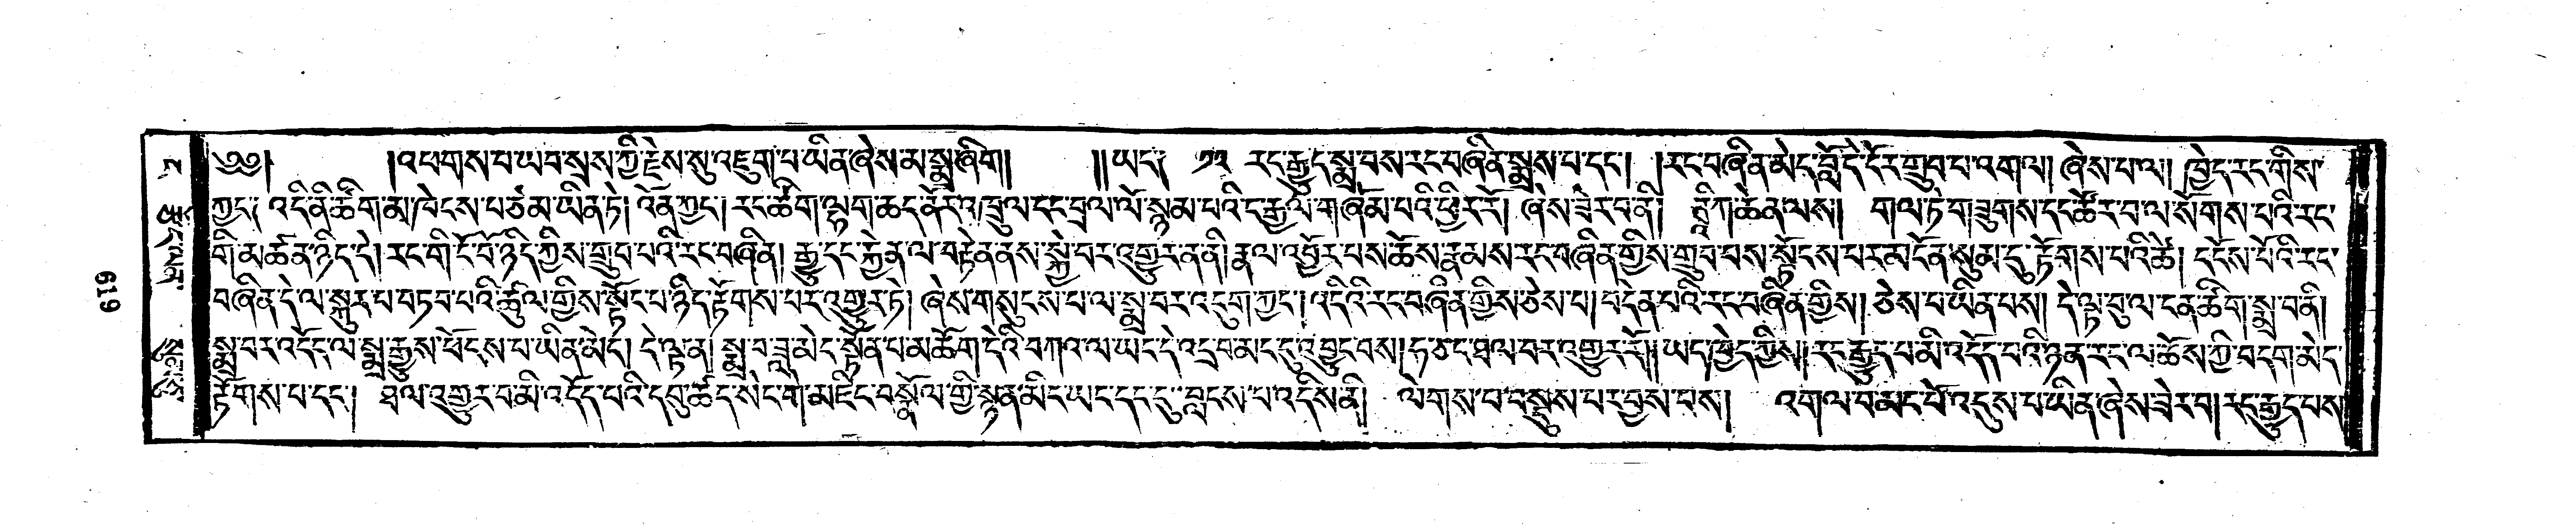༄༅། །འཕགས་པ་ཡབ་སྲས་ཀྱི་རྗེས་སུ་འཇུག་པ་ཡིན་ཞེས་མ་སྨྲ་ཞིག ། །།ཡང་། ༡༢་རང་རྒྱུད་སྨྲ་བས་རང་བཞིན་སྨྲས་པ་དང་། །རང་བཞིན་མེད་བློ་དེ་ངོར་གྲུབ་པ་འགལ། ཞེས་པ་ལ། ཁྱེད་རང་གིས་
ཀྱང༑ འདི་ནི་ཚིག་མ་ཁེངས་པ་ཙམ་ཡིན་ཏེ། འོན་ཀྱང་། རང་ཚིག་ལྷག་ཆད་ནོར་འཁྲུལ་དང་བྲལ་ལོ་སྙམ་པའི་ང་རྒྱལ་གཞོམ་པའི་ཕྱིར་རོ། ཞེས་ཟེར་བ་ནི། ཊཱིཀ་ཆེན་ལས། གལ་ཏེ་གཟུགས་དང་ཚོར་བ་ལ་སོགས་པའི་རང་
གི་མཚན་ཉིད་དེ། རང་གི་ངོ་བོ་ཉིད་ཀྱིས་གྲུབ་པའི་རང་བཞིན། རྒྱུ་དང་རྐྱེན་ལ་བརྟེན་ནས་སྐྱེ་བར་འགྱུར་ན་ནི། རྣལ་འབྱོར་པས་ཆོས་རྣམས་རང་བཞིན་གྱིས་གྲུབ་པས་སྟོངས་པར་མངོན་སུམ་དུ་རྟོགས་པའི་ཚེ། དངོས་པོའི་རང་
བཞིན་དེ་ལ་སྐུར་པ་བཏབ་པའི་ཚུལ་གྱིས་སྟོང་པ་ཉིད་རྟོགས་པར་འགྱུར་ཏེ། ཞེས་གསུངས་པ་ལ་སྨྲ་བར་འདུག་ཀྱང་། འདིའི་རང་བཞིན་གྱིས་ཅེས་པ། བདེན་པའི་རང་བཞིན་གྱིས། ཅེས་པ་ཡིན་པས། དེ་ལྟ་བུ་ལ་ངན་ཚིག་སྨྲ་བ་ནི།
སྨྲ་བར་འདོད་ལ་སྨྲ་རྒྱུས་ཕོངས་པ་ཡིན་མོད། དེ་ལྟ་ན། སྨྲ་བ་ཟླ་མེད་སྟོན་པ་མཆོག་དེའི་བཀའ་ལ་ཡང་དེ་འདྲ་བ་མང་དུ་འབྱུང་བས། ཧ་ཅང་ཐལ་བར་འགྱུར་རོ། །ཡང་ཁྱེད་ཀྱིས། རང་རྒྱུད་པ་མི་འདོད་པའི་ཉན་རང་ལ་ཆོས་ཀྱི་བདག་མེད་
རྟོགས་པ་དང་། ཐལ་འགྱུར་བ་མི་འདོད་པའི་དབུ་ཚད་སེང་གེ་མཇིང་བསྣོལ་གྱི་སྙན་མིང་ཡང་དང་དུ་བླངས་པ་འདིས་ནི། ལེགས་པ་བསྡུས་པར་བྱས་པས། འགལ་བ་མང་པོ་འདུས་པ་ཡིན་ཞེས་ཟེར་བ། རང་རྒྱུད་པས་